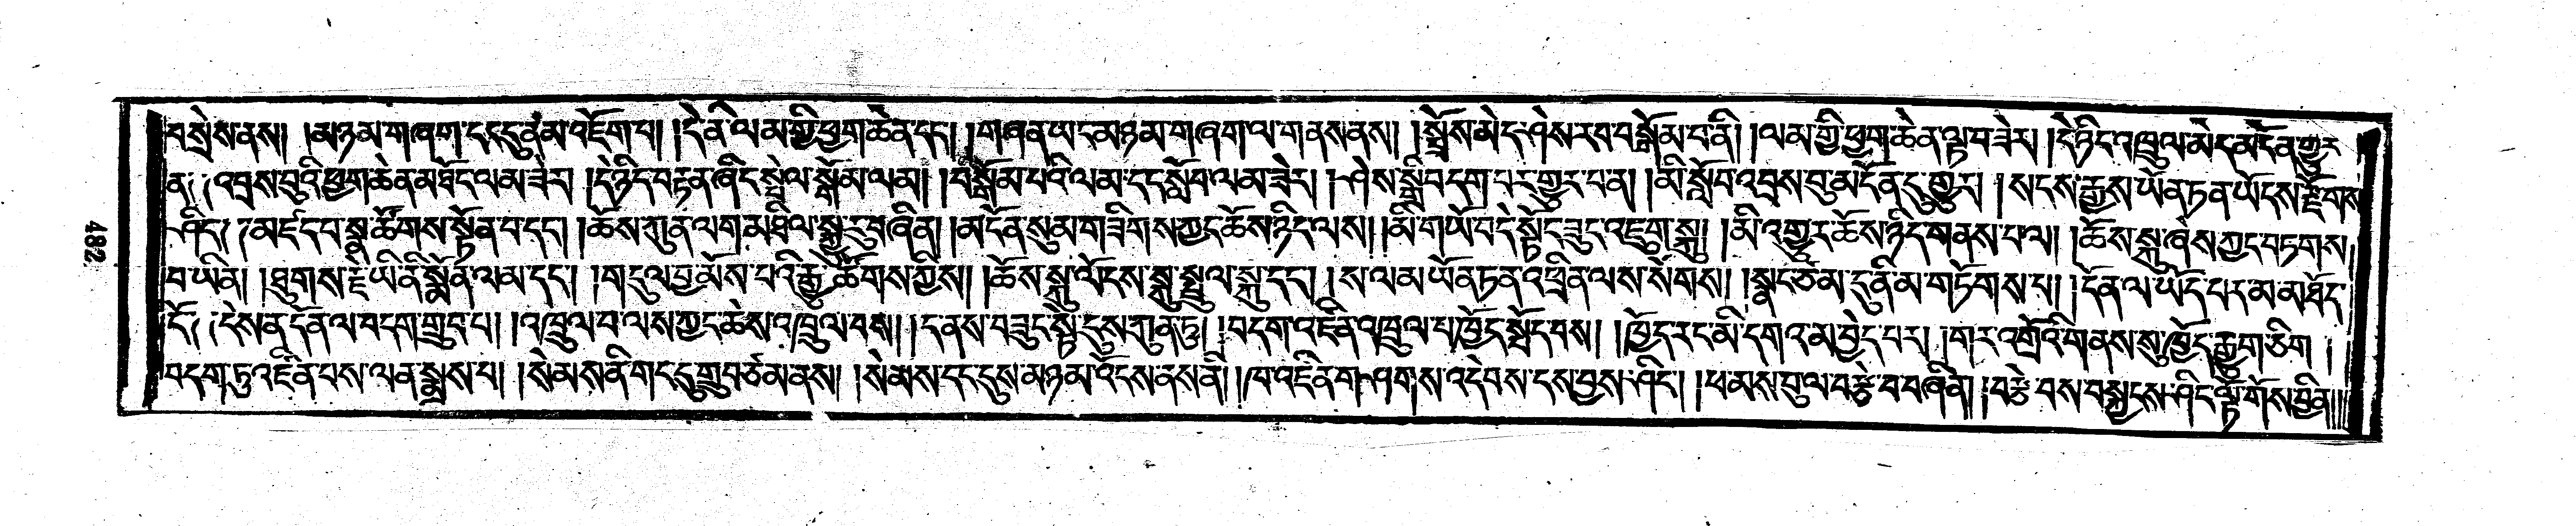བསྲེས་ནས། །མཉམ་གཞག་དང་དུ་ནམ་འཇོག་པ། །དེ་ནི་ལམ་གྱི་ཕྱག་ཆེན་དང་། །གཞན་ཡང་མཉམ་གཞག་ལ་གནས་ནས། །སྤྲོས་མེད་ཤེས་རབ་བསྒོམ་པ་ནི། །ལམ་གྱི་ཕྱག་ཆེན་ལྟ་བ་ཟེར། །དེ་ཉིད་འཁྲུལ་མེད་མངོན་གྱུར་
ན༑ ༑འབྲས་བུའི་ཕྱག་ཆེན་མཐོང་ལམ་ཟེར། །དེ་ཉིད་བརྟན་ཞིང་སྤེལ་སྒོམ་ལམ། །བསྒོམ་པའི་ལམ་དང་སློབ་ལམ་ཟེར། །ཤེས་སྒྲིབ་དག་པར་གྱུར་པ་ན། །མ་སློབ་འབྲས་བུ་མངོན་དུ་གྱུར། །སངས་རྒྱས་ཡོན་ཏན་ཡོངས་རྫོགས་
ཅིང༑ ༑མཛད་པ་སྣ་ཚོགས་སྟོན་པ་དང་། །ཆོས་ཀུན་ལག་མཐིལ་སྐྱུ་རུ་བཞིན། །མངོན་སུམ་གཟིགས་ཀྱང་ཆོས་ཉིད་ལས། །མི་གཡོ་བདེ་སྟོང་ཟུང་འཇུག་སྐུ། །མི་འགྱུར་ཆོས་ཉིད་གནས་པ་ལ། །ཆོས་སྐུ་ཞེས་ཀྱང་བཏགས་
པ་ཡིན། །ཐུགས་རྗེ་ཡིན་ནི་སྨོན་ལམ་དང་། །གདུལ་བྱ་མོས་པའི་རྒྱུ་ཚོགས་ཀྱིས། །ཆོས་སྐུ་ལོངས་སྐུ་སྤྲུལ་སྐུ་དང་། །ས་ལམ་ཡོན་ཏན་འཕྲིན་ལས་སོགས། །སྣང་ཙམ་དུ་ནི་མ་གཏོགས་པ། །དོན་ལ་ཡོད་པར་མ་མཐོང་
ངོ༑ ༑དེས་ན་དོན་ལ་བདག་གྲུབ་པ། །འཁྲུལ་བ་ལས་ཀྱང་ཆེས་འཁྲུལ་བས། །ད་ནས་བཟུང་སྟེ་དུས་ཀུན་ཏུ། །བདག་འཛིན་འཁྲུལ་བ་ཁྱོད་སྤོང་བས། །ཁྱོད་རང་མི་དགའ་མ་བྱེད་པར། །གར་འགྲོའི་གནས་སུ་ཁྱོད་རྒྱུག་ཅིག །
བདག་ཏུ་འཛིན་པས་ལན་སྨྲས་པ། །སེམས་ནི་གང་དུ་གྲུབ་ཙམ་ནས། །སེམས་དང་དུས་མཉམ་འོངས་ནས་ནི། །ཁ་འཛིན་གཤགས་འདེབས་ངེས་བྱས་ཤིང་། །ཕ་མས་བུ་ལ་བརྩེ་བ་བཞིན། །བརྩེ་བས་བསྐྱངས་ཤིང་ལྟོ་གོས་བྱིན། །